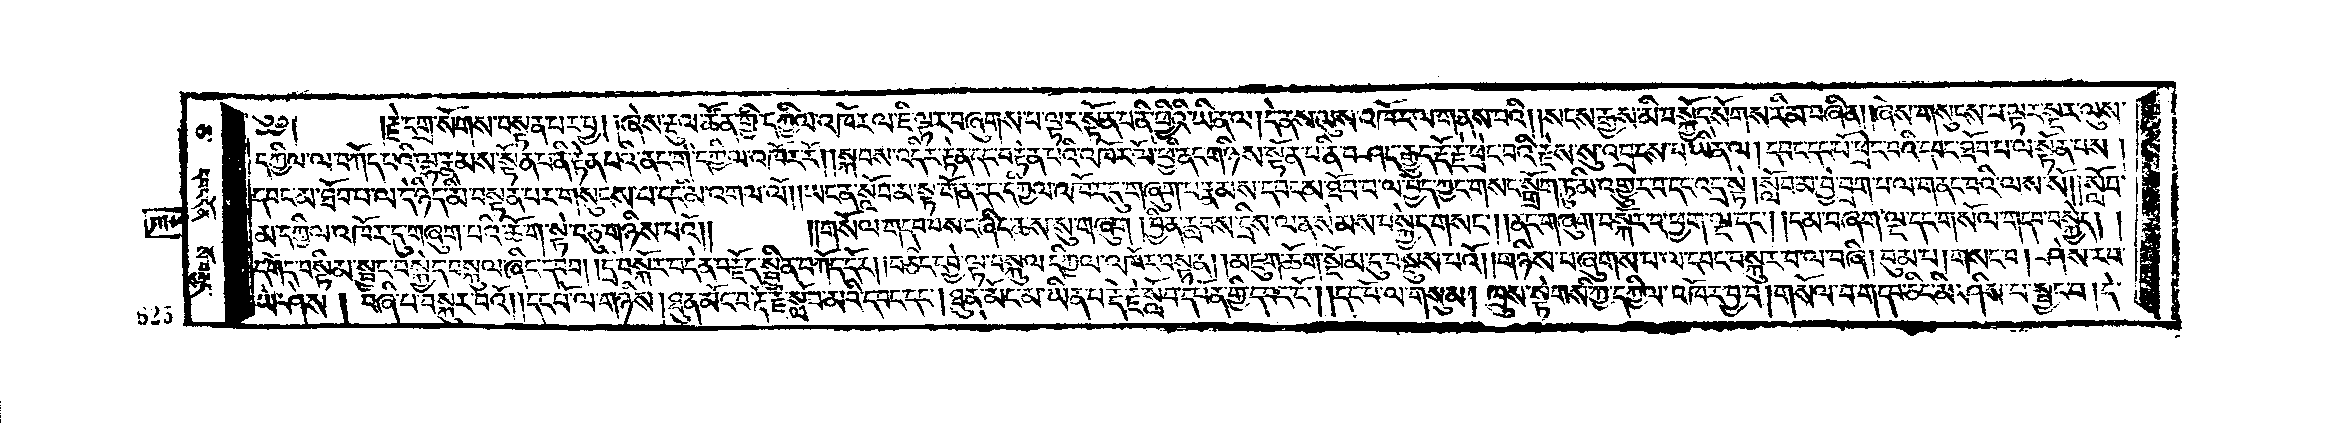༄༅། །རྗེ་དགྲ་སོགས་བསྟན་པར་བྱ། །ཞེས་རྡུལ་ཚོན་གྱི་དཀྱིལ་འཁོར་ལ་ཇི་ལྟར་བཞུགས་པ་ལྟར་སྟོན་པ་ནི་ཕྱིའི་ཡིན་ལ། དེ་ནས་ལུས་འཁོར་ལ་གནས་པའི། །སངས་རྒྱས་མི་བསྐྱོད་སོགས་རིམ་བཞིན། །ཞེས་གསུངས་པ་ལྟར་སྔར་ལུས་
དཀྱིལ་ལ་བཀོད་པའི་ལྷ་རྣམས་སྟོན་པ་ནི་རྟེན་པའི་ནང་གི་དཀྱིལ་འཁོར་རོ། །སྐབས་འདིར་རྟེན་དང་བརྟེན་པའི་འཁོར་ལོ་ཕྱི་ནང་གཉིས་སྟོན་པ་ནི་བཤད་རྒྱུད་རྡོ་རྗེ་ཕྲེང་བའི་རྗེས་སུ་འབྲངས་པ་ཡིན་ལ། དབང་དང་པོ་ཕྲེང་བའི་དབང་ཐོབ་པ་ལ་སྟོན་པས།
དབང་མ་ཐོབ་པ་ལ་དེ་ཉིད་མི་བསྟན་པར་གསུངས་པ་དང་མི་འགལ་ལོ། །ཡང་ན་སློབ་མ་སྟ་གོན་དང་དཀྱིལ་འཁོར་དུ་གཞུག་པ་རྣམས་དབང་མ་ཐོབ་པ་ལ་བྱེད་ཀྱང་གསང་སྒྲོག་ཏུ་མི་འགྱུར་བ་དང་འདྲ་སྟེ། སློབ་མ་བྱེ་བྲག་པ་ལ་གནང་བའི་ལས་སོ། །སློབ་
མ་དཀྱིལ་འཁོར་དུ་གཞུག་པའི་ཆོ་ག་སྟེ་བཅུ་གཉིས་པའོ།། །།གསོལ་གདབ་བསང་ཞིང་ཆས་སུ་གཞུག །བྱིན་རླབས་དྲིས་ལན་སེམས་བསྐྱེད་གསང་། །ནང་གཞུག་བསྐོར་བ་ཕྱག་ལྔ་དང་། །དམ་བཞག་ལྔ་དང་གསོལ་གདབ་བསྐྱེད། །
དགོད་བསྟིམ་སྦྱང་བསྐྱེད་བསྐུལ་ཞིང་དབབ། །དྲི་བསྐོར་བདེན་བརྗོད་སྦྱིན་བཀོད་དོར། །བཅིང་དབྱེ་ལྟ་བསྐུལ་དཀྱིལ་འཁོར་བསྟན། །མཇུག་ཆོག་སྡོམ་དུ་བསྡུས་པའོ། །གཉིས་པ་ཞུགས་པ་ལ་དབང་བསྐུར་བ་ལ་བཞི། བུམ་པ། གསང་བ། ཤེས་རབ་
ཡེ་ཤེས། བཞི་པ་བསྐུར་བའོ། །དང་པོ་ལ་གཉིས། ཐུན་མོང་བ་རྡོ་རྗེ་སློབ་མའི་དབང་དང་། ཐུན་མོང་མ་ཡིན་པ་རྡོ་རྗེ་སློབ་དཔོན་གྱི་དབང་ངོ། །དང་པོ་ལ་གསུམ། ཁྲུས་སྟེགས་ཀྱི་དཀྱིལ་འཁོར་བྱ་བ། གསོལ་བ་གདབ་ཅིང་མི་ཤིས་པ་སྦྱང་བ་།དེ་